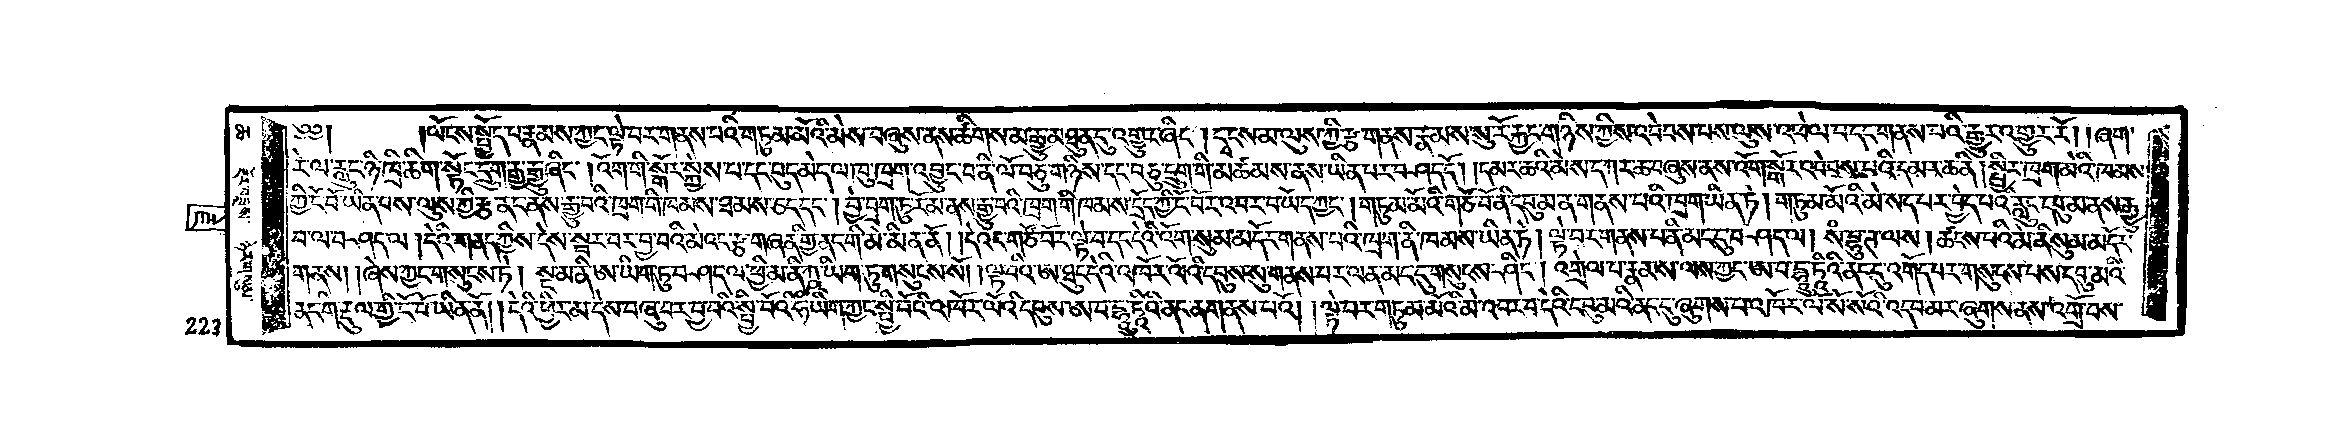༄༅། །ལོངས་སྤྱོད་པ་རྣམས་ཀྱང་ལྟེ་བར་གནས་པའི་གཏུམ་མོའི་མེས་བཞུས་ནས་ཚིགས་མ་རྒྱུ་མཐུན་དུ་འགྱུར་ཞིང་། དྭངས་མ་ལུས་ཀྱི་རྩ་གནས་རྣམས་སུ་རོ་རྐྱང་གཉིས་ཀྱིས་འབེབས་པས་ལུས་འཕེལ་བ་དང་གནས་པའི་རྒྱུར་འགྱུར་རོ། །ཞག་
རེ་ལ་རླུང་ཉི་ཁྲི་ཚིག་སྟོང་དྲུག་རྒྱ་རྒྱུ་ཞིང་། འོག་གི་སྒོར་སྐྱེས་པ་དང་བུད་མེད་ལ་ཁུ་ཁྲག་འབྱུང་བ་ནི་ལོ་བཅུ་གཉིས་དང་བཅུ་དྲུག་གི་མཚམས་ནས་ཡིན་པར་བཤད་དོ། །དམར་ཆའི་མེས་དཀར་ཆ་བཞུས་ནས་འོག་སྒོར་འབེབས་པའི་དམར་ཆ་ནི། སྤྱིར་ཁྲག་མེའི་ཁམས་
ཀྱི་ངོ་བོ་ཡིན་པས་ལུས་ཀྱི་རྩ་ནང་ནས་རྒྱུ་བའི་ཁྲག་གི་ཁམས་ཐམས་ཅད་དང་། བྱེ་བྲག་ཏུ་རོ་མ་ནས་རྒྱུ་བའི་ཁྲག་གི་ཁམས་དྲོད་ཀྱི་ངོ་བོར་འབར་བ་ཡོད་ཀྱང་། གཏུམ་མོའི་གཙོ་བོ་ནི་དབུ་མ་ན་གནས་པའི་ཁྲག་ཡིན་ཏེ། གཏུམ་མོའི་མེ་སད་པར་བྱེད་པའི་རླུང་དབུ་མ་ནས་རྒྱུ་
བ་ལ་བཤད་ལ། དེའི་གནད་ཀྱིས་དེས་སྦར་བར་བྱ་བའི་མེའང་རྩ་གཞན་གྱི་ནང་གི་མེ་མིན་ནོ། །དེའང་གཙོ་བོར་ལྟེ་བ་དང་དེའི་འོག་སུམ་མདོར་གནས་པའི་ཁྲག་ནི་ཁམས་ཡིན་ཏེ། ལྟེ་བར་གནས་པ་ནི་མང་དུ་བཤད་ལ། སཾ་བྷུ་ཊ་ལས། ཚངས་པའི་མེ་ནི་སུམ་མདོར་
གནས། །ཞེས་ཀྱང་གསུངས་ཏེ། སྔ་མ་ནི་ཨ་ཡིག་ཏུ་བཤད་ལ་ཕྱི་མ་ནི་ཀྵ་ཡིག་ཏུ་གསུངས་སོ། །ལྟ་བའི་ཨ་ཐུང་དེའི་འཁོར་ལོའི་དབུས་སུ་གནས་བར་ལན་མང་དུ་གསུངས་ཤིང་། འགྲེལ་པ་རྣམས་ལས་ཀྱང་ཨ་བ་དྷཱུ་ཏཱིའི་ནང་དུ་འགོད་པར་གསུངས་པས་དབུ་མའི་
ནང་གི་རྡུལ་གྱི་ངོ་བོ་ཡིན་ནོ། །དེའི་ཕྱིར་མེ་དེས་བཞུ་བར་བྱ་བའི་སྤྱི་བོའི་ཧཾ་ཡིག་ཀྱང་སྤྱི་བོའི་འཁོར་ལོའི་དབུས་ཨ་བ་དྷཱུ་ཏཱིའི་ནང་ན་གནས་པའོ། །ལྟེ་བར་གཏུམ་མོའི་མེ་འབར་བ་དེའི་དབུ་མའི་ནང་དུ་ཞུགས་པ་འཁོར་ལོ་སོ་སོའི་འདབ་མར་ཞུགས་ནས་འགྲོ་བས་